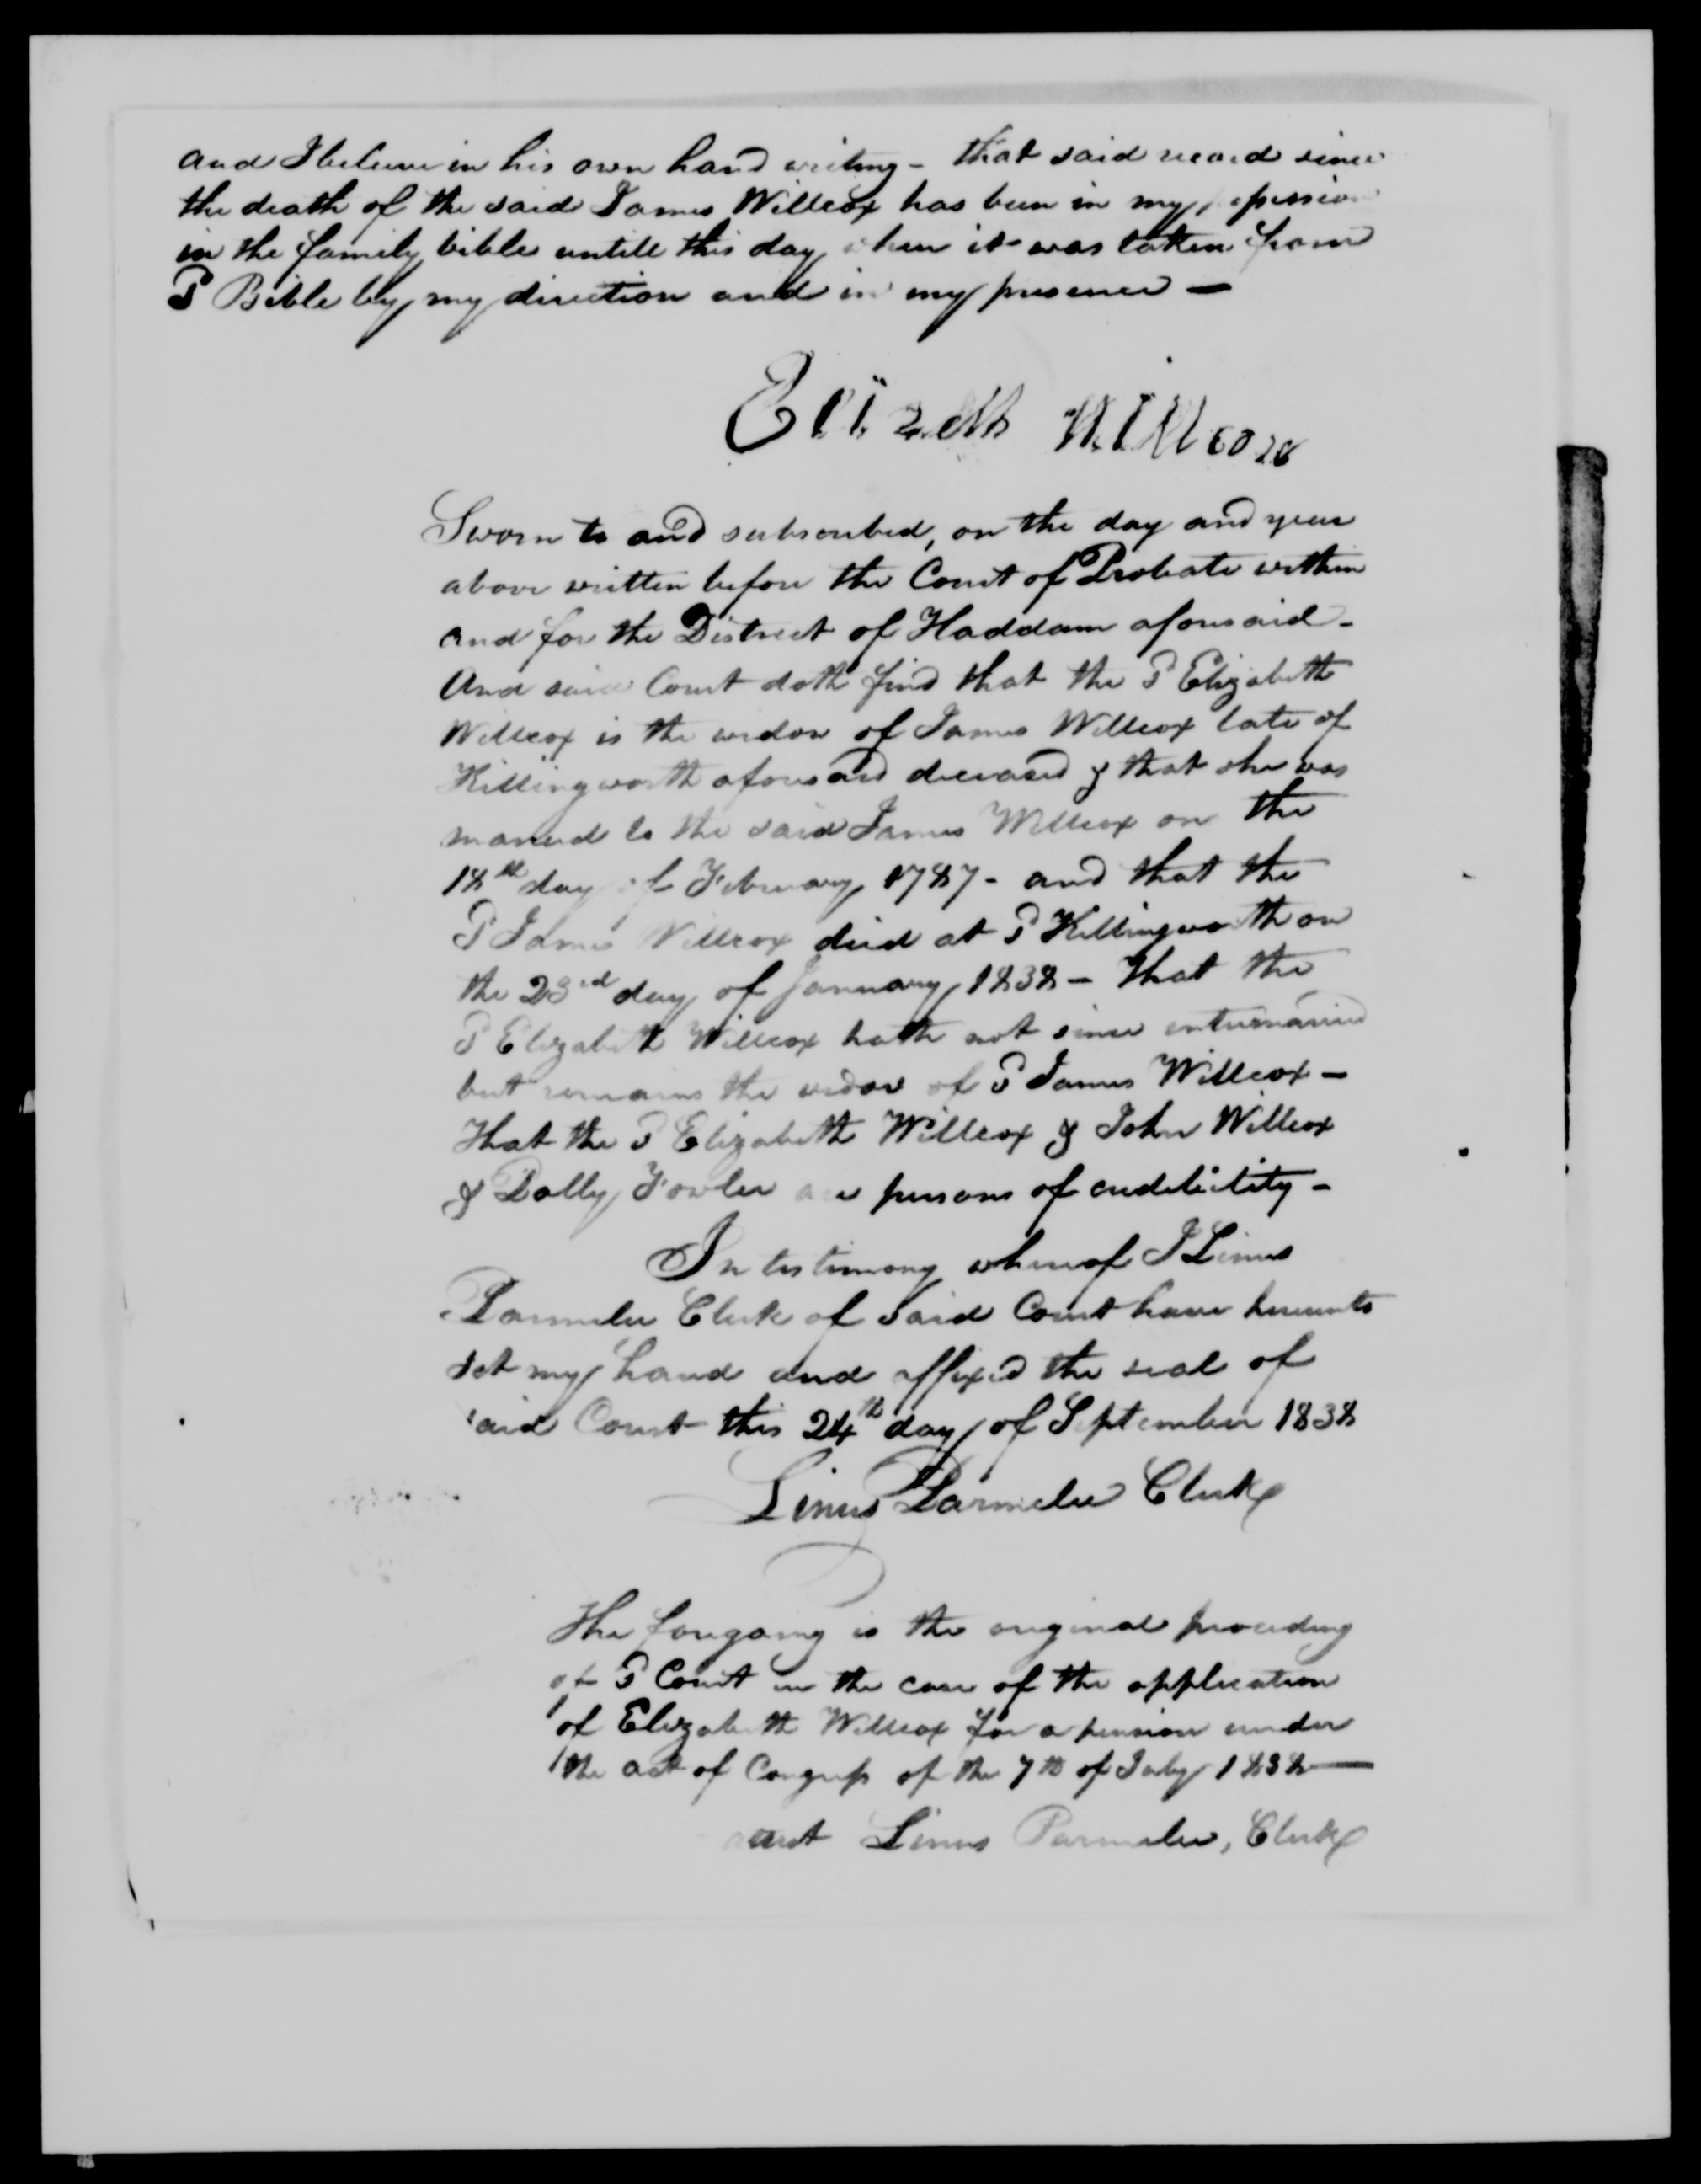and I believe in his own hand writing—that said record since the death of the said James Willcox has been in my possession in the family bible untill this day when it was taken from sd Bible by my direction and in my presence—
Elizeth Willcox
Sworn to and subscribed on the day and year above written before the Court of Probate within and for the District of Haddam aforesaid. And said Court doth find that the sd Elizabeth Willcox is the widow of James Willcox late of Killingworth aforesaid deceased & that she was married to the said James Willcox on the 18 day of February 1787–and that the sd James Willcox died at sd killingworth on the 23rd day of Janaury 1838–That the sd Elizabeth Willcox hath not since entertained but remains the widow of sd James Willcox—That the sd Elizabeth Willcox & John Willcox & Polly Fowler are persons of credibility—
in testimony whereof I Linus Parmelee Clerk of said Court have hereunto set my hand and affixed the seal of the said Court this 24th day of September 1838
Linus Parmelee Clerk
The foregoing is the original providing of sd Court in the case of the application of Elizabeth Willcox for a pension under the act of Congress of the 7th of July 1838–
Ant Linus Parmelee, Clerk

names: James Willcox, Linus Parmelee, John Willcox, Elbzeth Willcox, Elizabeth Willcox, Polly Fowler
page: 14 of 46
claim: widow's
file: W. 18,417, James Willcox, Conn.